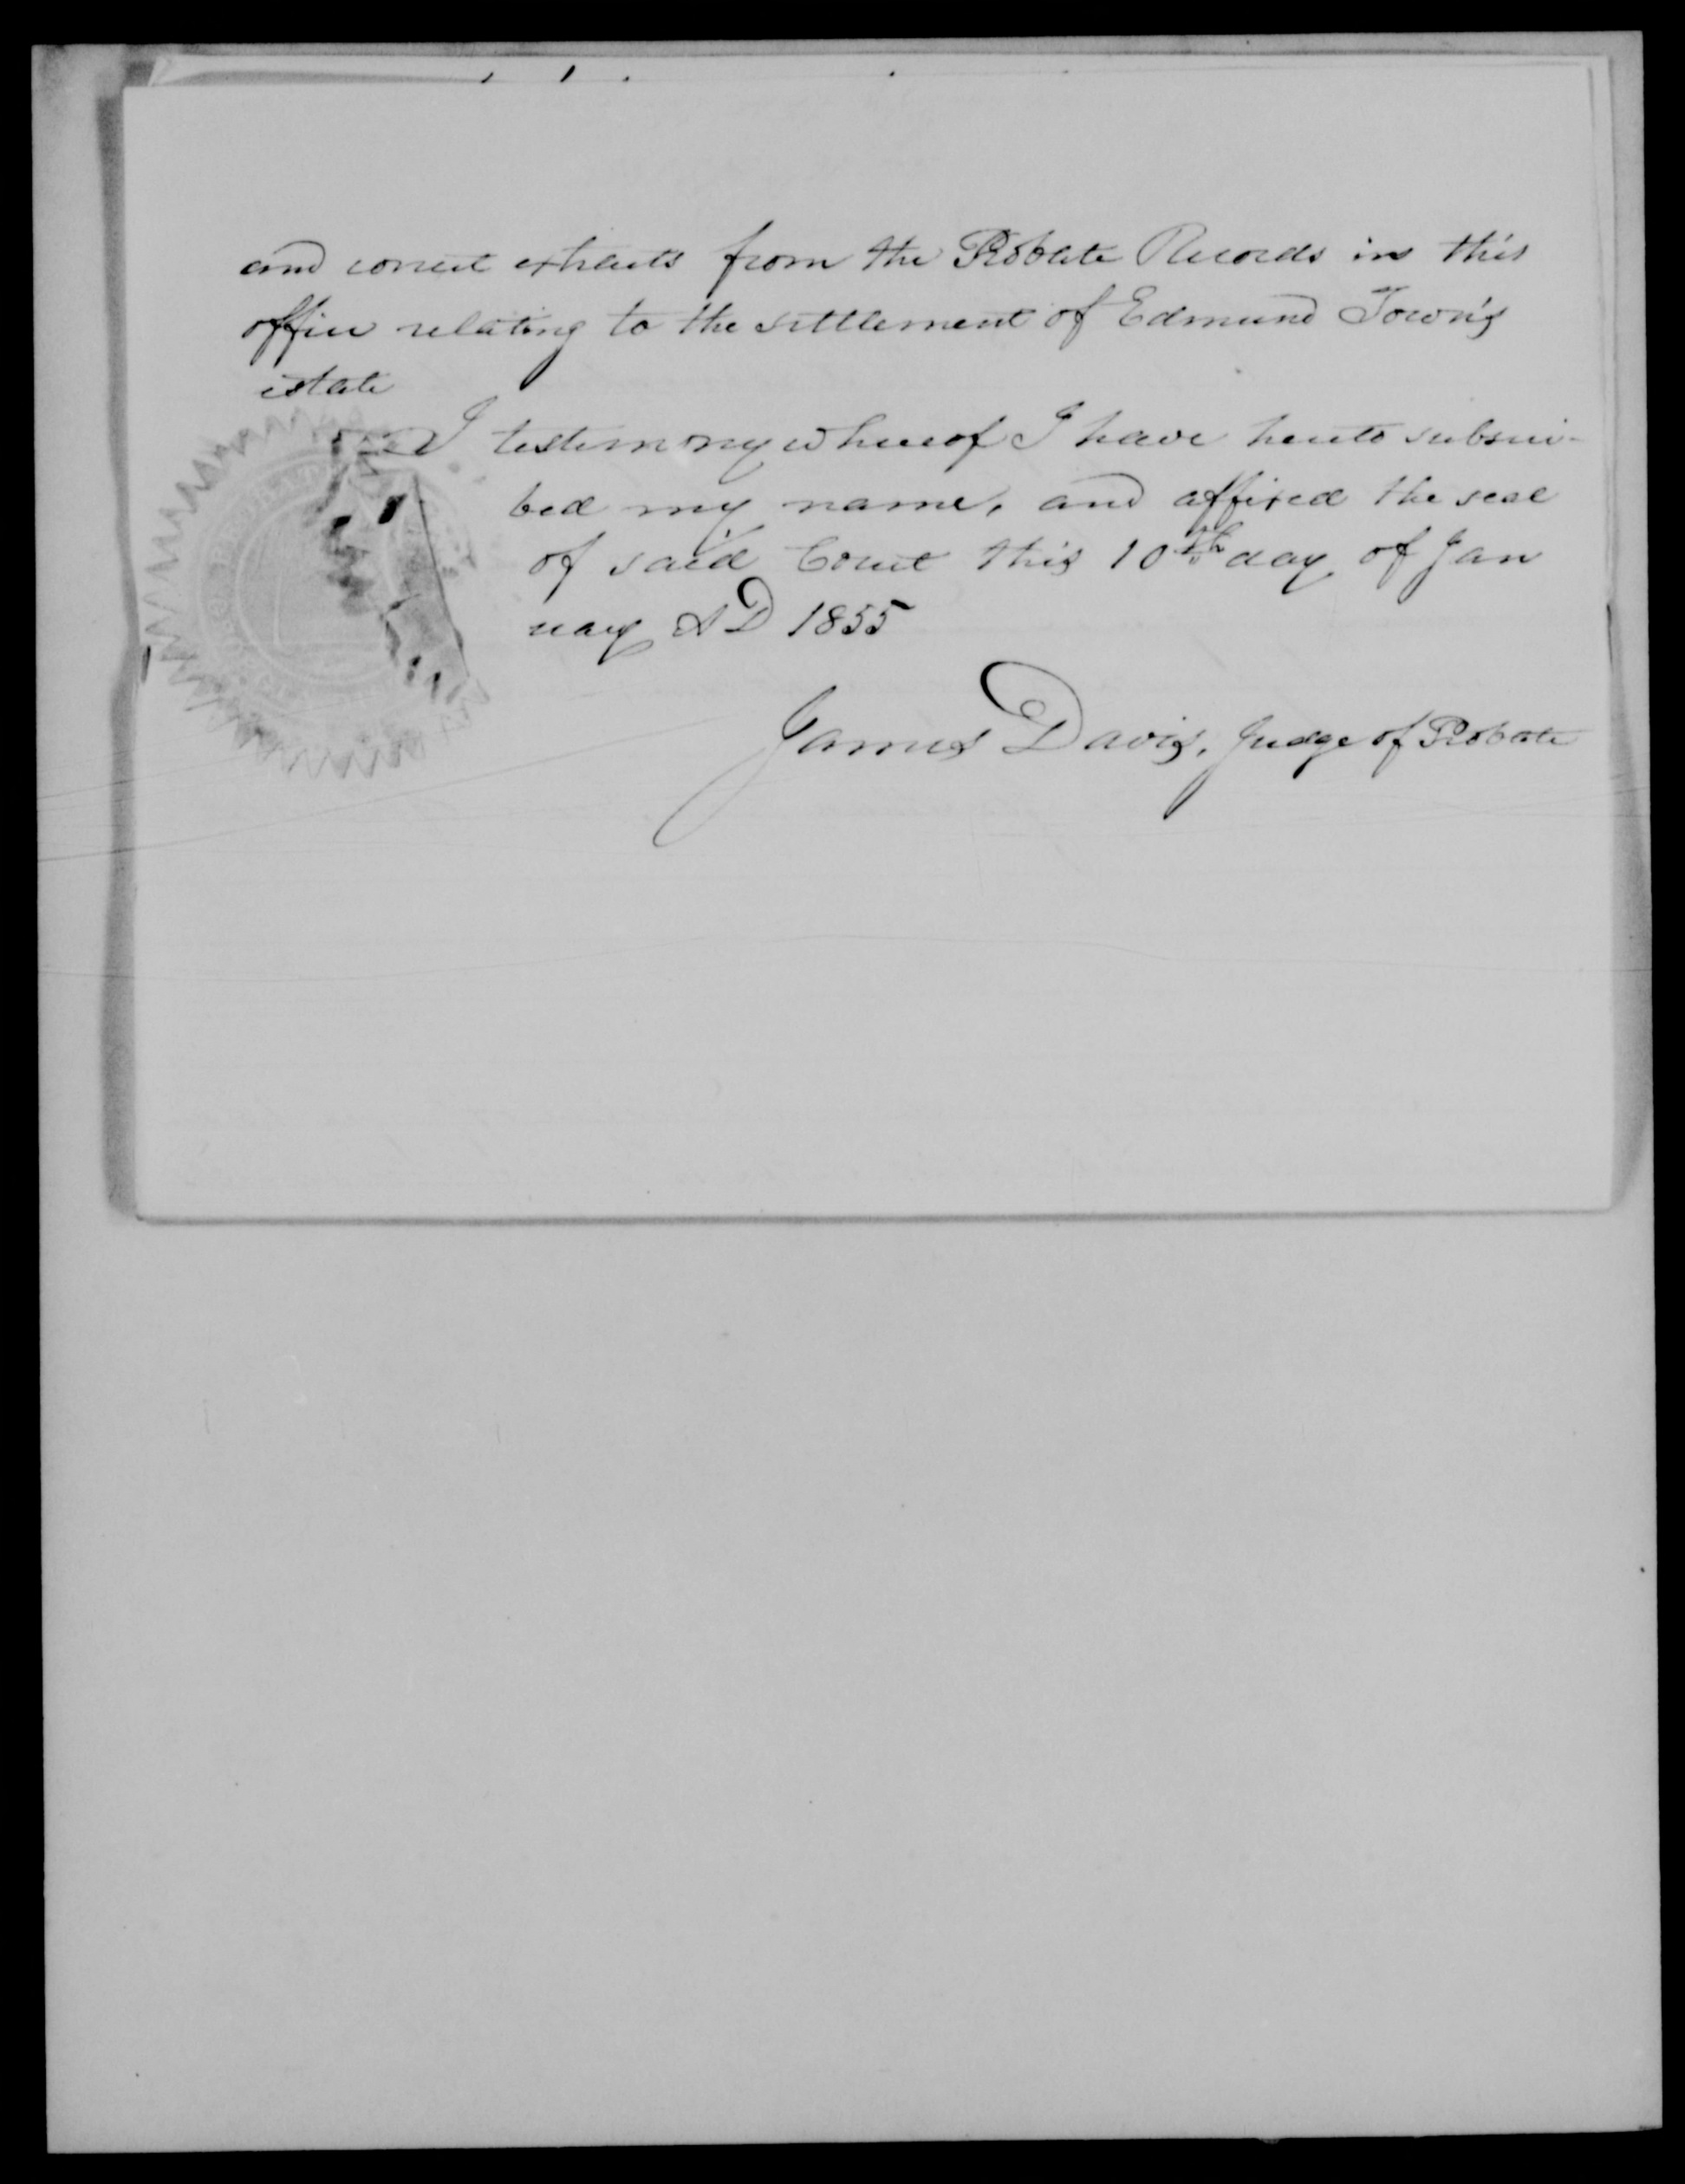and correct exhibits from the Probate Records in this office relating to the settlement of Edmund Town's estate.
(Seal)
In testimony whereof I have hereunto subscribed my name and affixed the seal of said Court this 10th day of January A. D. 1855
James Davis, Judge of Probate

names: James Davis, Edmund Town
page: 53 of 64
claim: widow's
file: W. 5831, Edmund Town, Mass.